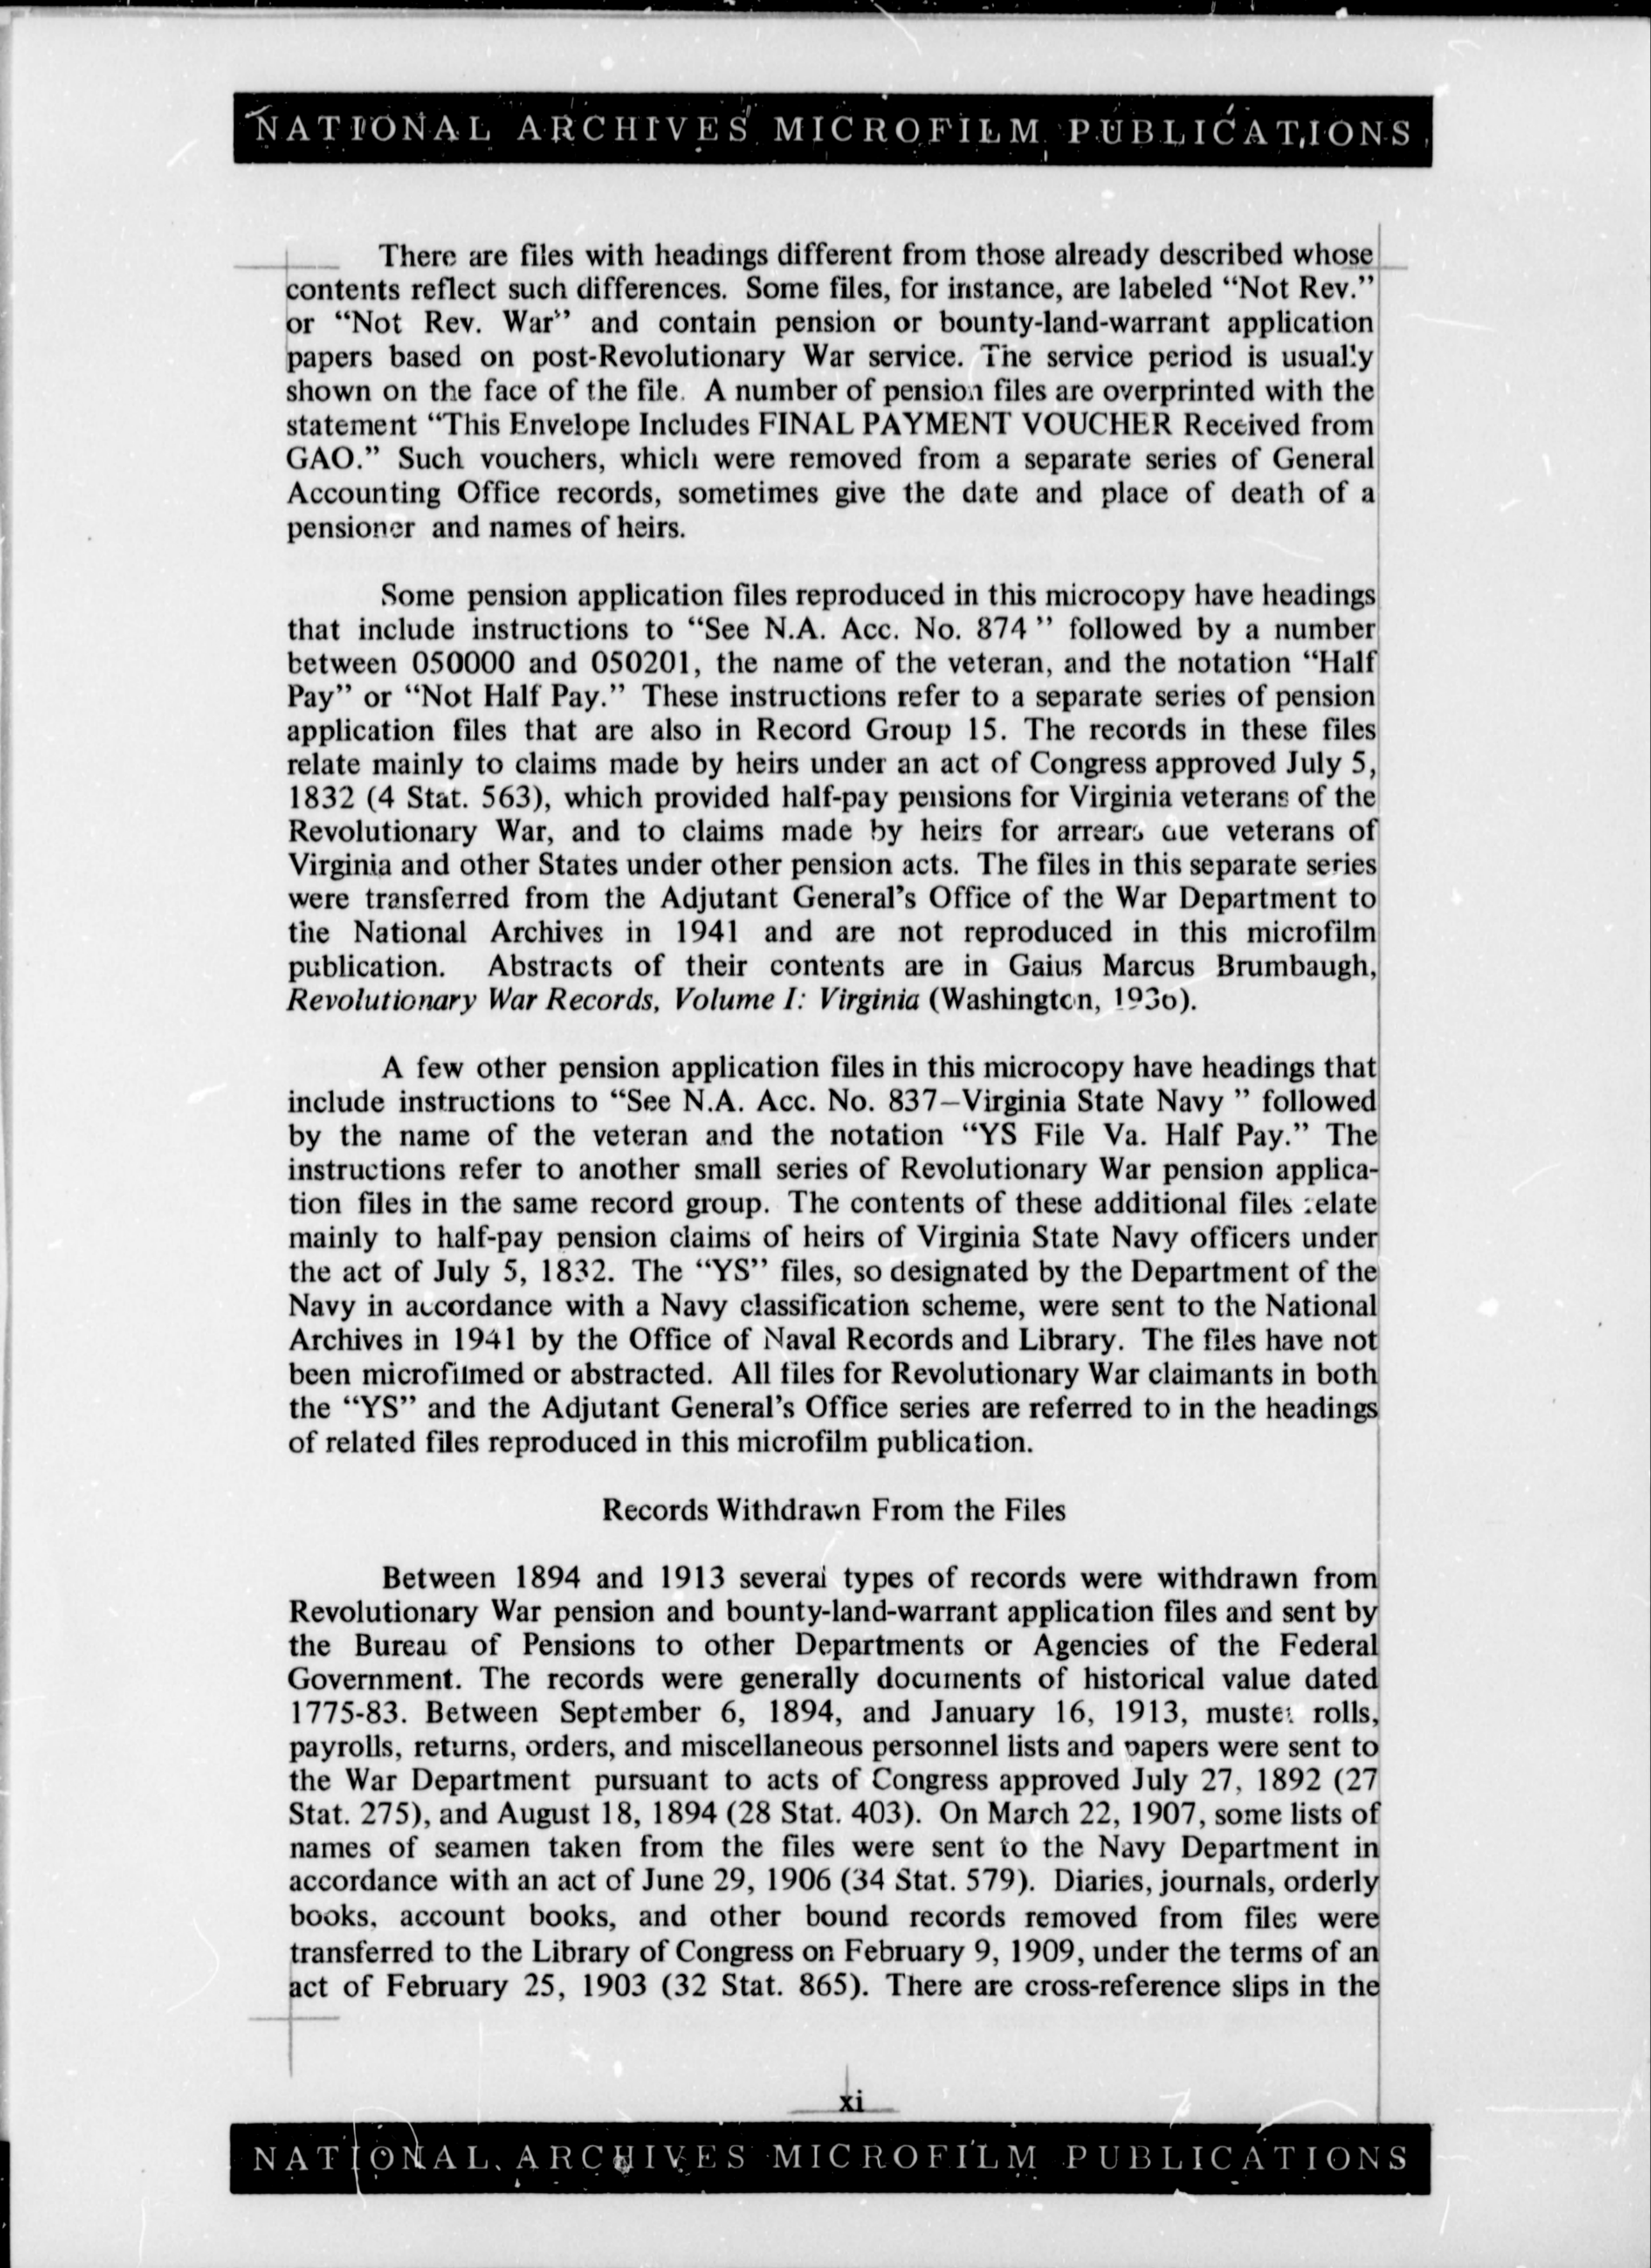NATIONAL ARCHIVES MICROFILM PUBLICATIONS

These are files with headings different from those already described whose contents reflect such differences. Some files, for instance, are labeled "Not Rev." or "Not Rev. War" and contain pension or bounty-land-warrant application papers based on post-Revolutionary War service. The service period is usually shown on the face of the file. A number of pension files are overprinted with the statement "The Envelope Includes FINAL PAYMENT VOUCHER Received from GAO." Such vouchers, which are removed from a separate series of General Accounting Office records, sometimes give the date and place of death of a pensioner and names of heirs. 

Some pension application files reproduced in this microcopy have headings that include instructions to "See N.A. Acc. No. 874" followed by a number between 050000 and 050201, the name of the veteran, and the notation "Half Pay" or "Not Half Pay." These instructions refer to a separate series of pension application files that are also in Record Group 15. The records in these files relate mainly to claims made by heirs under an act of Congress approved July 5, 1832 (4 Stat. 563), which provided half-pay pensions for Virginia veterans of the Revolutionary War, and to claims made by heirs for arrears due veterans of Virginia and other States under other pension acts. The files in this separate series were transferred from the Adjutant General's Office of the War Department to the National Archives in 1941 and are not reproduced in this microfilm publication. Abstracts of their contents are in Gaius Marcus Brumbaugh, Revolutionary War Records, Volume I: Virginia (Washington, 1936).

A few other pension application files in this microcopy have heading that include instructions to "See N.A. Acc. No. 837 - Virginia State Navy" followed by the name of the veteran and the notation "YS File Va. Half Pay." The instructions refer to another small series of Revolutionary War pension application files in the same record group. The contents of these additional files relate mainly to half-pay pension claims of heirs of Virginia State Navy officers under the act of July 5, 1832. The "YS" files, so designated by the Department of the Navy in accordance with a Navy classification scheme, were sent to the National Archives in 1941 by the Office of Naval Records and Library. The files have not been microfilmed or abstracted. All files for Revolutionary War Claimants in both the "YS" and the Adjutant General's Office series are referred to in the headings of related files reproduced in this microfilm publication.

Records Withdrawn From the Files

Between 1894 and 1913 several types of records were withdrawn from Revolutionary War pension and bounty-land-warrant application files and sent by the Bureau of Pensions to other Departments or Agencies of the Federal Government. The records were generally documents of historical value dated 1775-83. Between September 6, 1894, and January 16, 1913, muster roll, payrolls, returns, orders, and miscellaneous personnel lists and papers were sent to the War Department pursuant to acts of Congress approved July 27, 1892 (27 Stat. 275), and August 18, 1894 (28 Stat. 403). On March 22, 1907, some lists of names of seamen taken from the files were sent to the Navy Department in accordance with an act of June 29, 1906 (34 Stat. 579). Diaries, journals, orderly books, account books, and other bound records removed from files were transferred to the Library of Congress on February 9, 1909, under the terms of an act of February 25, 1903 (32 Stat. 865). There are cross-reference slips in the 

NATIONAL ARCHIVES MICROFILM PUBLICATIONS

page: 11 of 61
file: Revolutionary War Pension and Bounty Land Warrant Application File